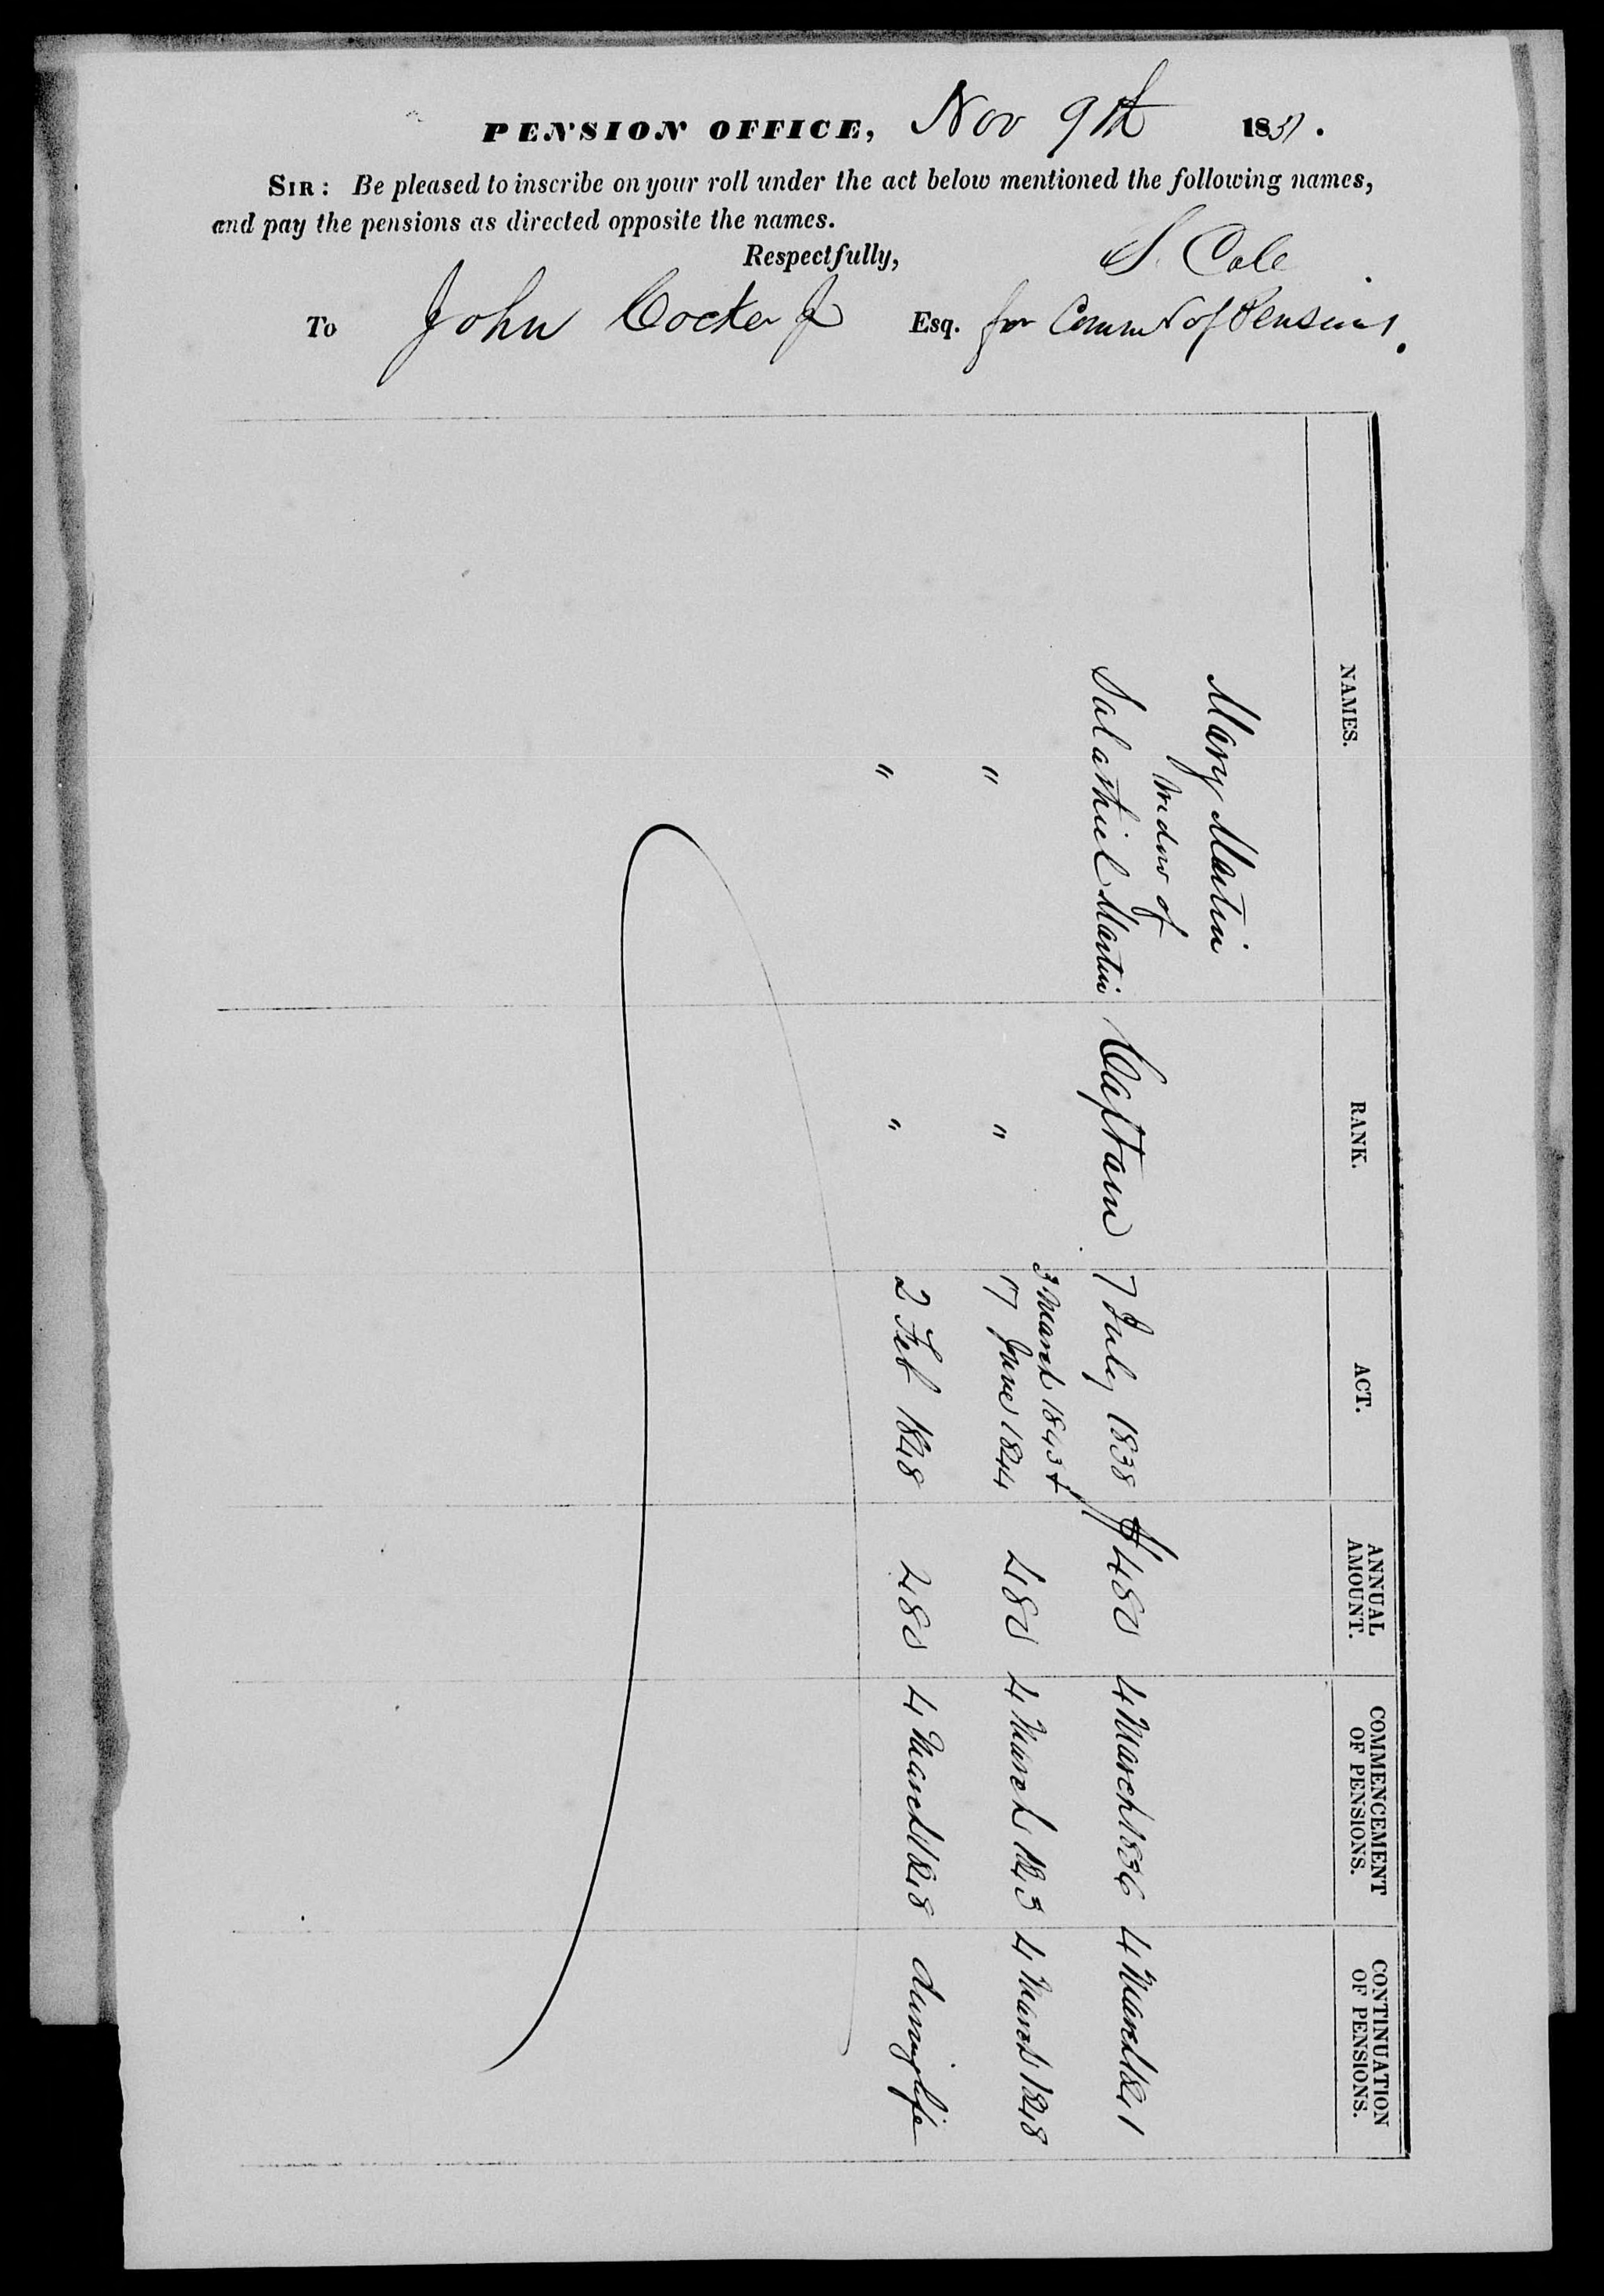[printed form, handwritten responses]
PENSION OFFICE, Nov 9th 1851.
Sir:  Be pleased to inscribe on your roll under the act below mentioned the following names,
and pay the pensions as direct opposite the names.
Respectfully,
S Cole
Esq. for Commr [Commissioner] of Pensions.
To John Cocker Jr

[column headings: Names. Rank. Act. Annual Amount.  Commencement of Pension. Continuation of Pensions. 

Mary Martin widow of Salathiel Martin.  Captain.  7 July 1838. $480.  4 March 1836.  4 March 1841.

Mary Martin widow of Salathiel Martin.  Captain.  3 March 1843 & 17 June 1844.  480.  4 March 1843.  4 March 1848.

Mary Martin widow of Salathiel Martin.  Captain.  2 Feb 1848. 480.  4 March 1848.  during life.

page: 43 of 120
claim: widow's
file: W. 1044, for Salathiel Martin, North Carolina